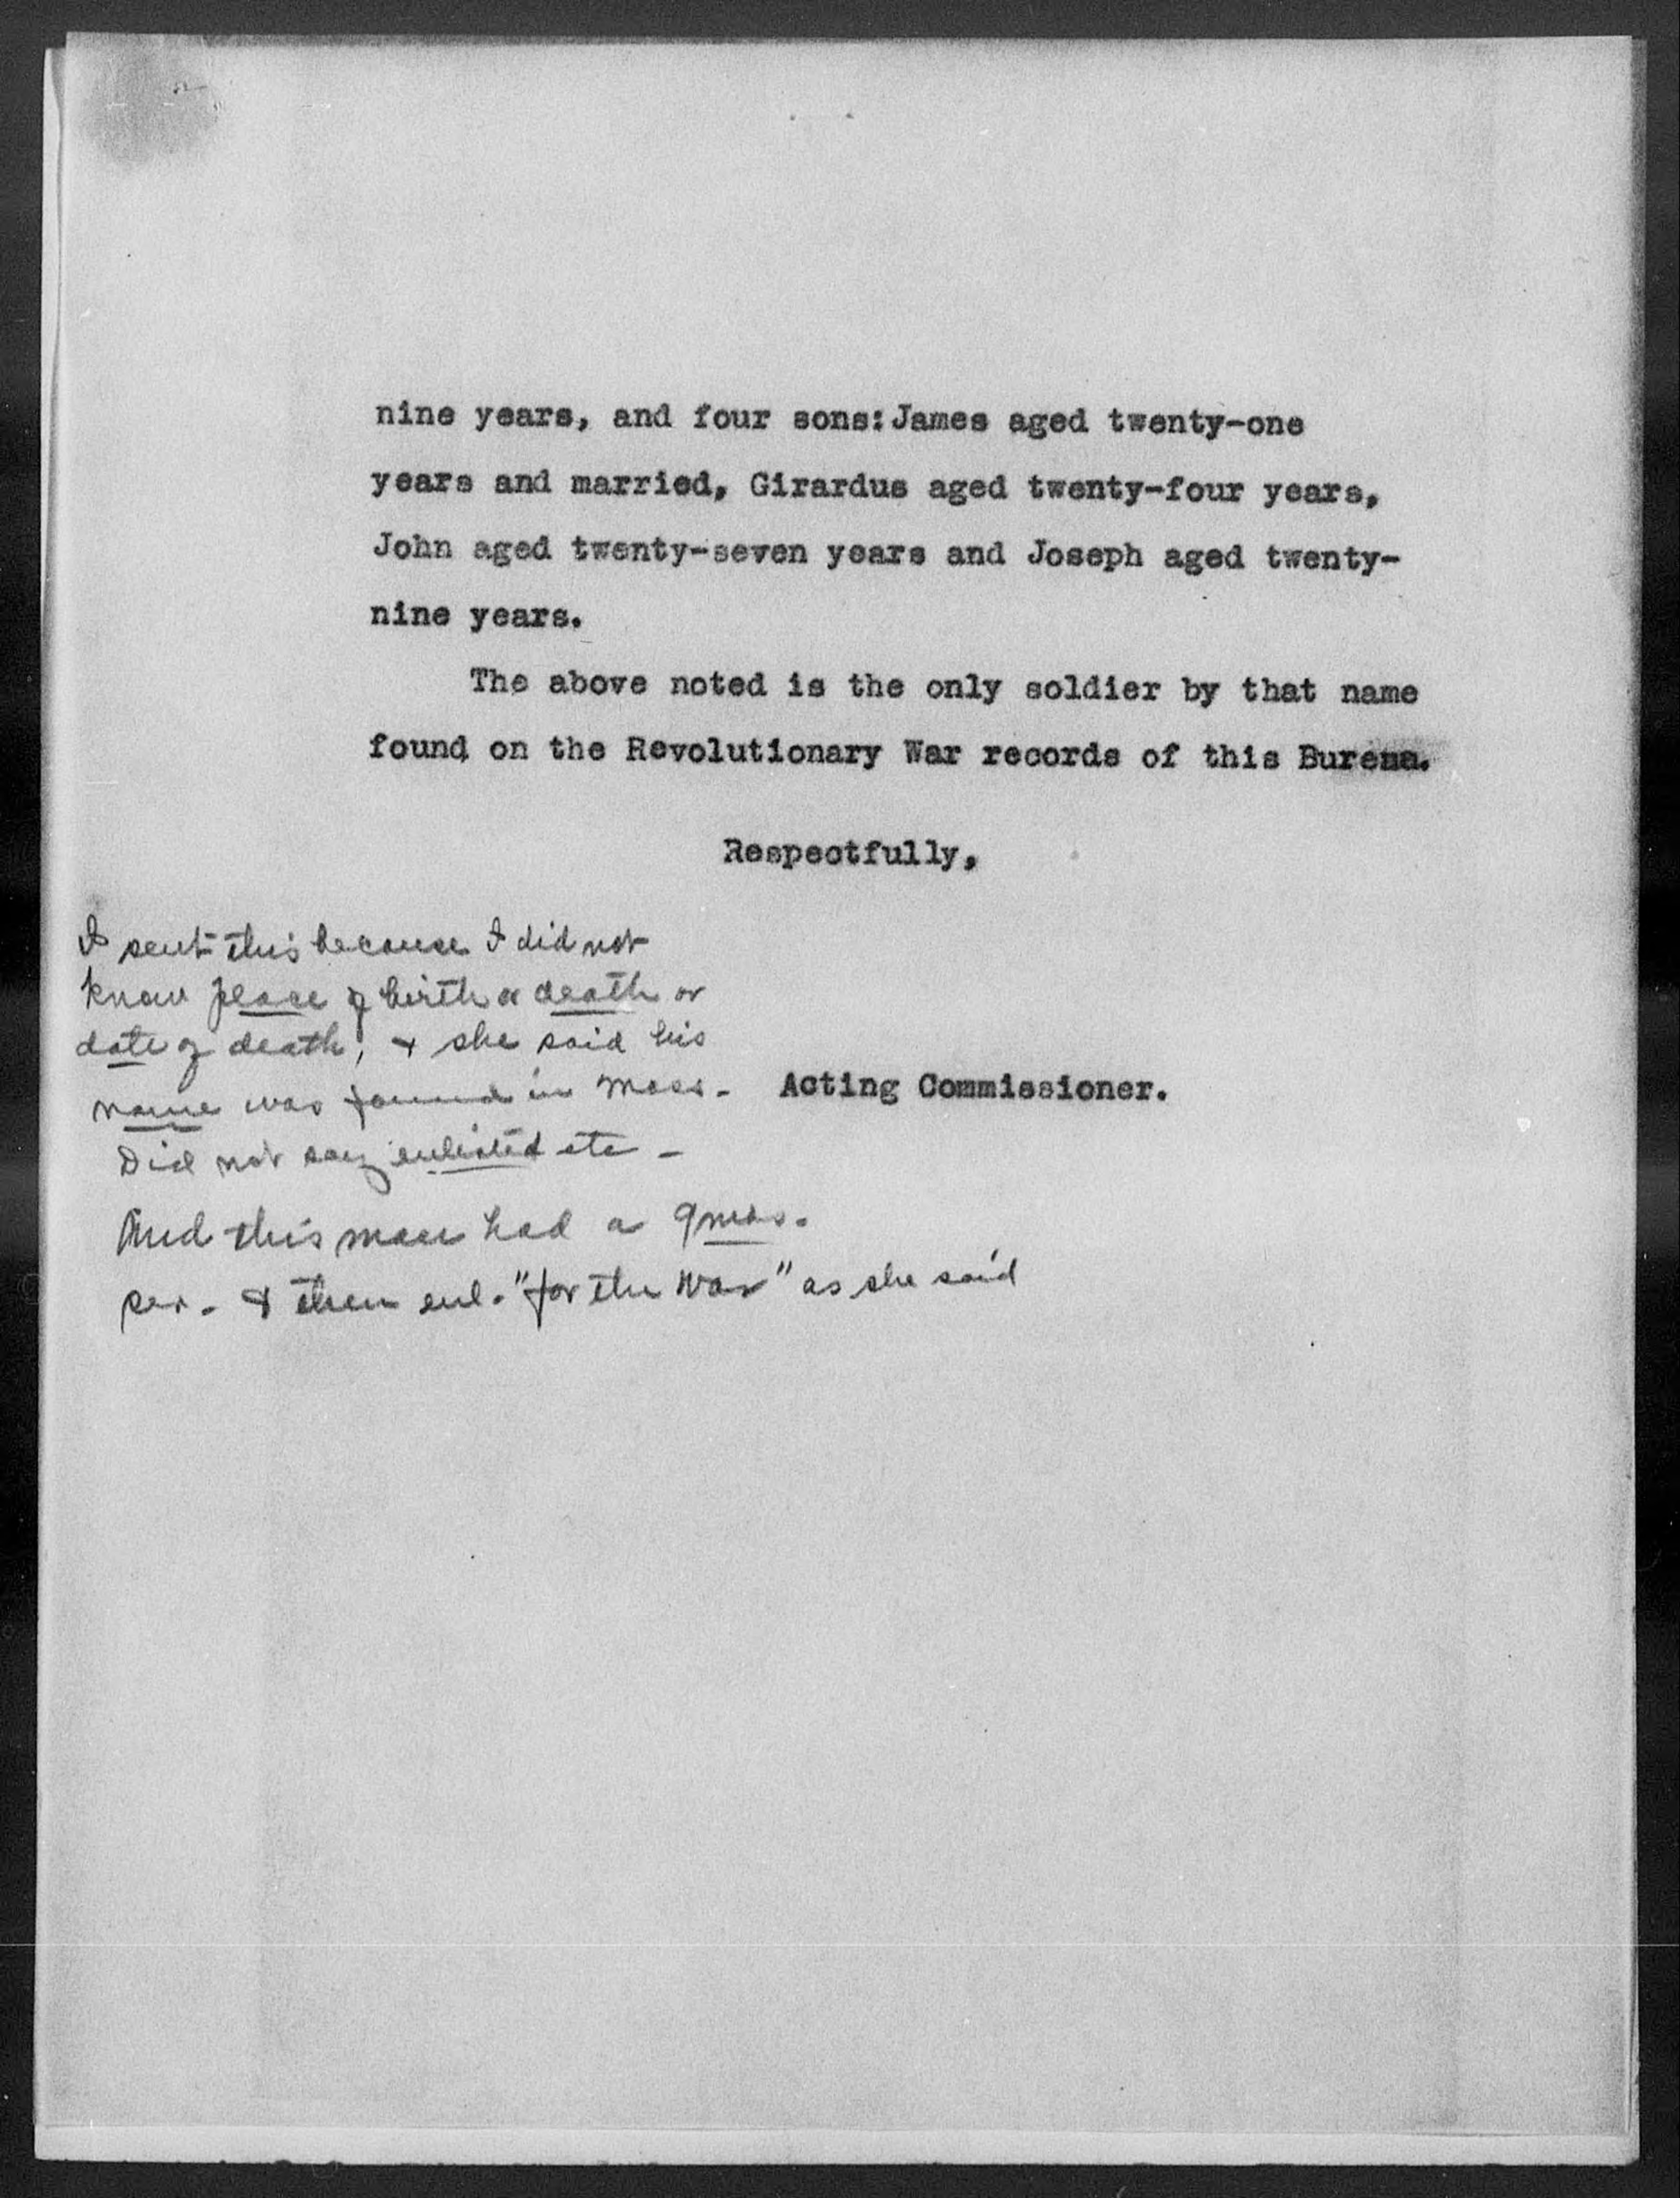nine years, and fours sons: James aged twenty-one years and married, Girardus aged twenty-four years, John aged twenty-seven years and Joseph aged twenty-nine years.
The above noted is the only solider by that name found on the Revolutionary War records of this Bureau.

Respectfully,



Acting Commissioner



I sent this because I did not know place of birth or death or date of death; and she said his hame was found in Mass. 
Did not say enlisted date
And this man had a 9 mos. serv. and then enl. 'for the war' as she said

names: Joseph, James, John, Girardus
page: 11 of 16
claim: survivor's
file: S. 44371, Joseph Carley, New York.